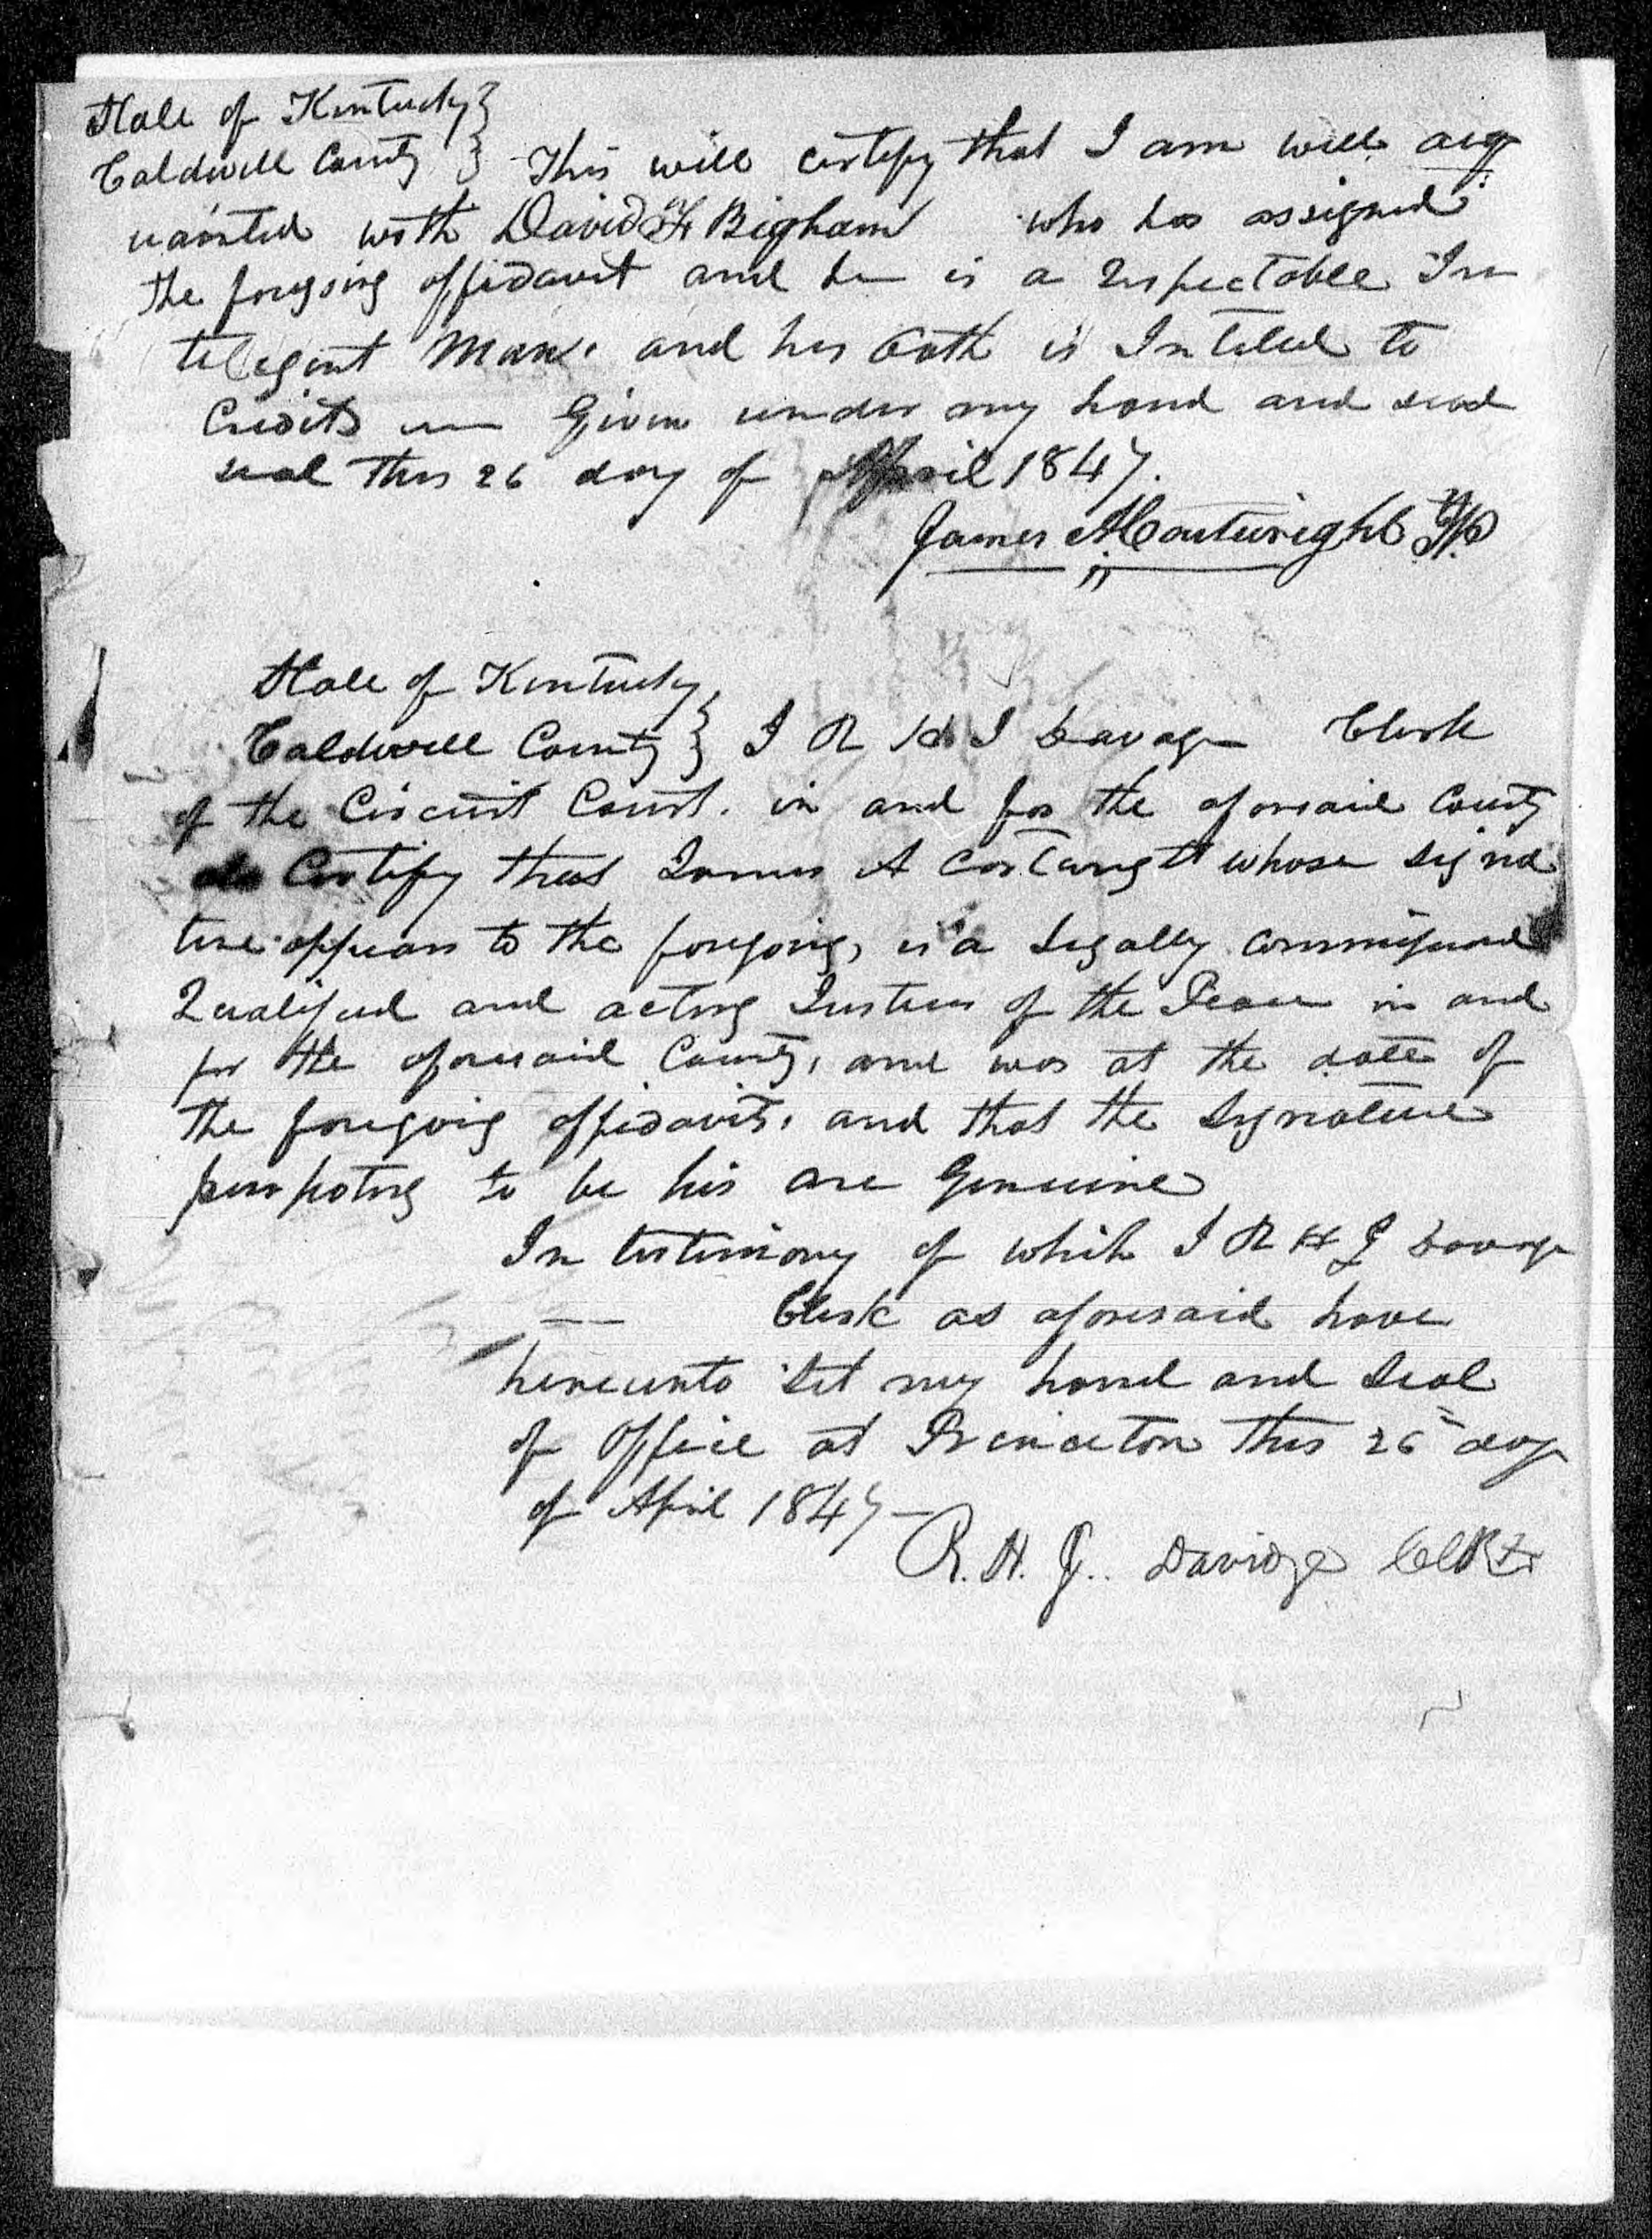State of Kentucky}
Caldwell County  |
This will certify that I am well acquainted with David F Bigham who has assigned the foregoing affidavit and he is a respectable Inteligent [sic] man, and his oath is Intitled [sic] to Credit--
Given under my hand and seal seal [sic] this 26 day of April 1847.
James A. Cartwright J.P.

State of Kentucky}
Caldwell County  } 
I R H J Davage Clerk of the Circuit Court in and for the aforesaid County do Certify that James A Cartwright whose signature appears to the forgoing, is a legally commissioned Qualified and acting Justice of the Peace in and for the aforesaid County, and was at the date of the foregoing affidavit, and that the signature purporting to be his are genuine.
In testimony of which I R H J Savage Clerk as aforesaid have hereunto Set my hand and Seal of office at Princeton this 26th day of April 1847
R. H. J Davidge Clk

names: James A Cartwright, R H J Davage, James A Cartwright, R H J Davidge, Sally, R H J Davage, David F Bigham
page: 14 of 75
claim: widow's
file: W. 8876, Thomas Gregory, Continental Va